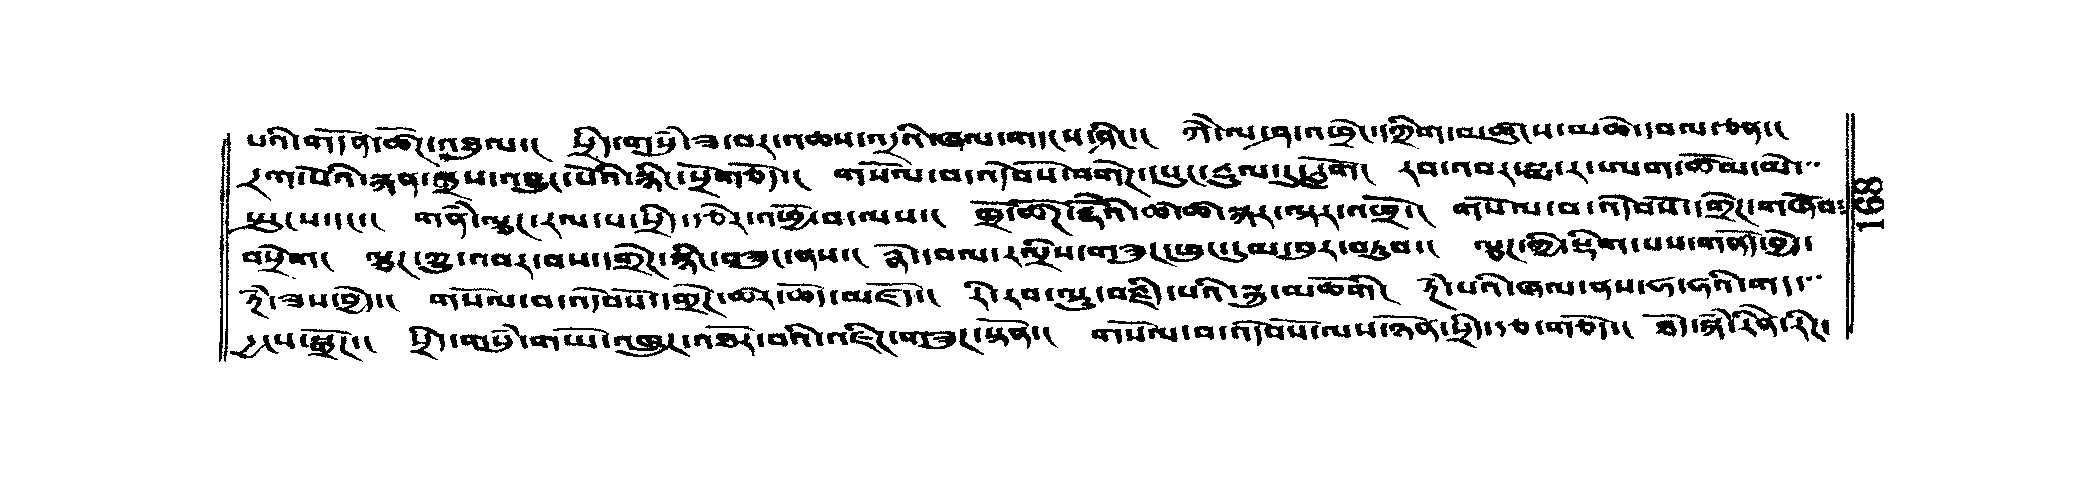པའི་གདོན་ཚོགས་འཐུལ། །སྲིད་གསུམ་ཟ་བར་འཆས་འདྲའི་ཞལ་གདངས་ཤིང་། །ཀཻ་ལ་ཤ་འཕྲེང་དཀྲིགས་མཚུངས་མཆེ་དབལ་ཅན། །
དྲག་པོའི་སྐན་སྒྲས་འབྱུང་པོའི་སྙིང་སྲོག་གཅོད། །གསོལ་བ་འདེབས་སོ་བགེགས་དཔུང་རྡུལ་དུ་རློག །རབ་འབར་སྨ་ར་ཨག་ཚོམ་མེ་
སྤུངས་དང་། །གནམ་ལྕགས་རལ་པ་སྲིད་རྩེར་འཕྱོ་བ་ལས། །ཁྲོ་ཚོགས་རྡོ་རྗེའི་ཚྭ་ཚྭ་སྐར་ལྟར་འཕྲོ། །གསོལ་བ་འདེབས་དགྲ་བགེགས་གཞོབ་
བསྲེག །ལྕགས་ཀྱུ་འབར་བས་དགྲ་བགེགས་སྙིང་བཟུང་ནས། །རྣོ་དབལ་རལ་གྲིས་གཟུགས་ཕུང་དུམ་བུར་བཏུབ། །ལྕགས་ཀྱི་སྡིག་པས་གནོད་བྱེད་
རྔམ་ཟས་བྱེད། །གསོལ་བ་འདེབས་སོ་དགྲ་བགེགས་ཚར་ཆོད་མཛོད། །རི་རབ་ལྟ་བུ་བརྗིད་པའི་སྐུ་མཆོག་གི །རྔམ་པའི་ཞལ་ནས་ཧ་ཧའི་གད་
རྒྱངས་སྒྲོག །སྲིད་གསུམ་གཡོ་འཁྲུགས་འཐོར་བའི་འཇིགས་གཟུགས་སྟོན། །གསོལ་བ་འདེབས་སོ་ལས་ཉོན་སྲིད་རྩ་གཅོད། །ཐོད་སྐམ་རིན་ཆེན་རིགས་